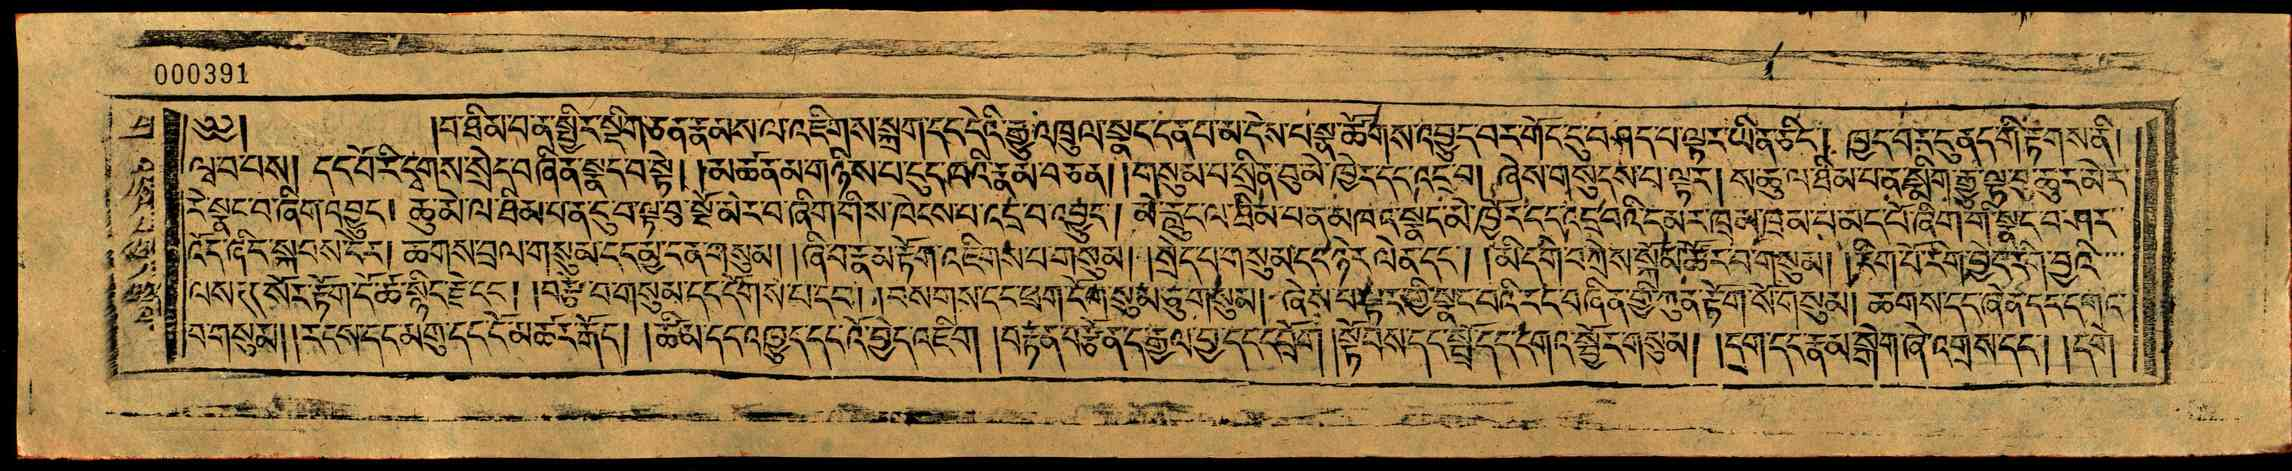༄༅། །བ་ཐིམ་པ་ན་སྤྱིར་སྡིག་ཅན་རྣམས་ལ་འཇིགས་སྐྲག་དང་དེའི་རྒྱུ་འཁྲུལ་སྣང་ངན་པ་མ་ངེས་པ་སྣ་ཚོགས་འབྱུང་བར་གོང་དུ་བཤད་པ་ལྟར་ཡིན་ཅིང་། ཁྱད་པར་དུ་ནང་གི་རྟགས་ནི།
ལྭ་བ་པས། དང་པོ་རི་དྭགས་སྲེད་བཞིན་སྣང་བ་སྟེ། །མཚན་མ་གཉིས་པ་དུད་ཁའི་རྣམ་པ་ཅན། །གསུམ་པ་སྲིན་བུ་མེ་ཁྱེར་དང་འདྲ་བ། ཞེས་གསུངས་པ་ལྟར། ས་ཆུ་ལ་ཐིམ་པ་ན་སྨིག་རྒྱུ་ལྟ་བུ་ཆུར་མེར་
རེ་སང་བ་ཞིག་འབྱུང་། ཆུ་མེ་ལ་ཐིམ་པ་ན་དུ་བ་ལྟ་བུ་སྔོ་མེར་བ་ཞིག་གིས་ཁེངས་པ་འདྲ་བ་འབྱུང་། མེ་རླུང་ལ་ཐིམ་པ་ན་མཁའ་སྣང་མེ་ཁྱེར་དང་འདྲ་བའི་དམར་ཁྲམ་ཁྲམ་པ་མང་པོ་ཞིག་གི་སྣང་བ་ཤར་
འོང་ཞིང་སྐབས་དེར། ཆགས་བྲལ་གསུམ་དང་མྱ་ངན་གསུམ། །ཞི་པ་རྣམ་རྟོག་འཇིགས་པ་གསུམ། །སྲེད་པ་གསུམ་དང་ཉེར་ལེན་དང་། །མི་དགེ་བཀྲེས་སྐོམ་ཚོར་བ་གསུམ། །རིག་པོ་རིག་བྱེད་རིག་བྱའི་
ལས། །སོར་རྟོག་ངོ་ཚ་སྙིང་རྗེ་དང་། །བརྩེ་བ་གསུམ་དང་དོགས་པ་དང་། །བསགས་དང་ཕྲག་དོག་སུམ་ཅུ་གསུམ། ཞེས་པ་ལྟར་གྱི་སྣང་བའི་རང་བཞིན་གྱི་ཀུན་རྟོག་སོ་གསུམ། ཆགས་དང་ཞན་དང་དགའ་
བ་གསུམ། །རངས་དང་མགུ་དང་ངོ་མཚར་རྒོད། །ཚིམ་དང་འཁྱུད་དང་འོ་བྱེད་འཇིག །བརྟན་བརྩོན་ང་རྒྱལ་བྱ་དང་བྲོག །སྟོབས་དང་སྤྲོ་དང་དཀའ་སྦྱོར་གསུམ། །དྲག་དང་རྣམ་སྒེག་ཞེ་འགྲས་དང་། །དགེ་